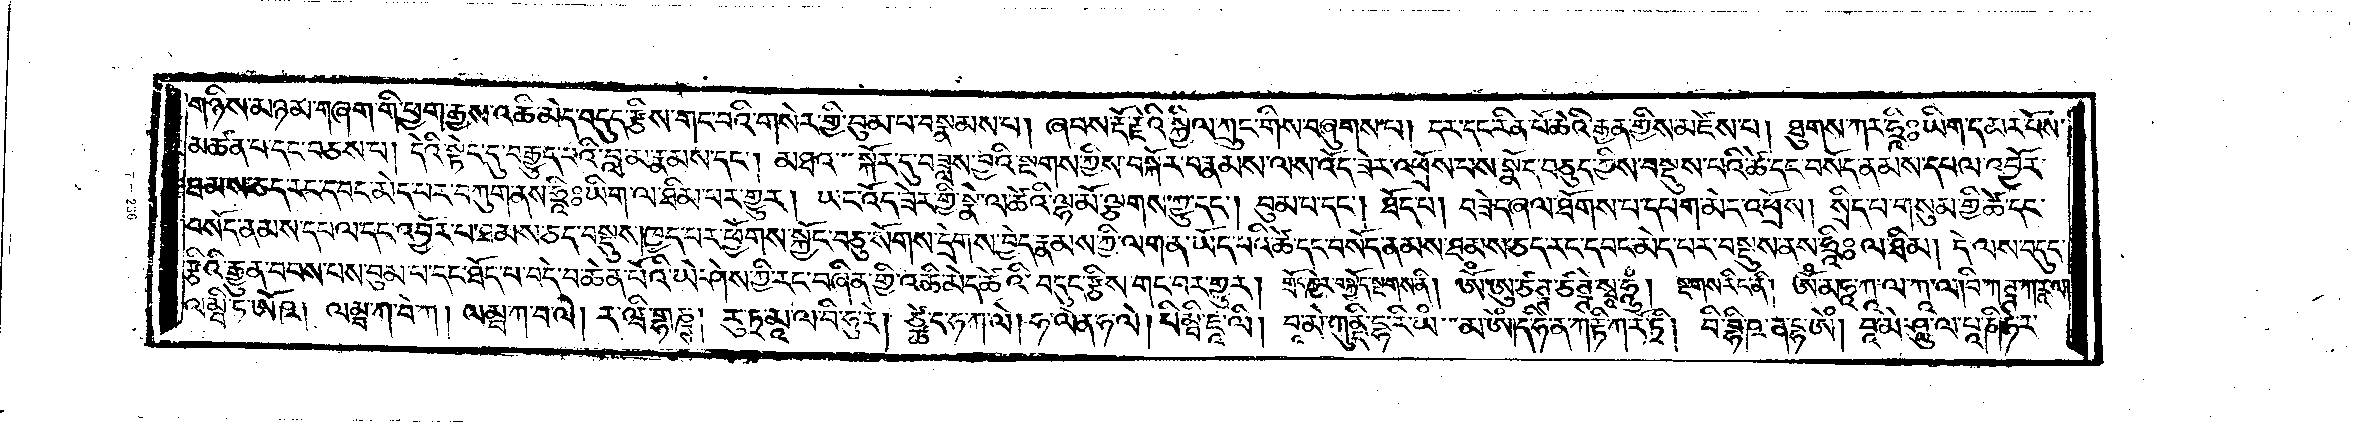གཉིས་མཉམ་གཞག་གི་ཕྱག་རྒྱས་འཆི་མེད་བདུད་རྩིས་གང་པའི་གསེར་གྱི་བུམ་པ་བསྣམས་པ། ཞབས་རྡོ་རྗེའི་སྐྱིལ་ཀྲུང་གིས་བཞུགས་པ། དར་དང་རིན་པོ་ཆེའི་རྒྱན་གྱིས་མཛེས་པ། ཐུགས་ཀར་ཧྲཱིཿཡིག་དམར་པོས་
མཚན་པ་དང་བཅས་པ། དེའི་སྟེང་དུ་བརྒྱུད་པའི་བླ་མ་རྣམས་དང་། མཐའ་སྐོར་དུ་བཟླས་བྱའི་སྔགས་ཀྱིས་བསྐོར་བ་རྣམས་ལས་འོད་ཟེར་འཕྲོས་པས་སྣོད་བཅུད་ཀྱིས་བསྡུས་པའི་ཚེ་དང་བསོད་ནམས་དཔལ་འབྱོར་
ཐམས་ཅད་རང་དབང་མེད་པར་བཀུག་ནས་ཧྲཱིཿཡིག་ལ་ཐིམ་པར་གྱུར། ཡང་འོད་ཟེར་གྱི་སྣེ་ལ་ཚེའི་ལྷ་མོ་ལྕགས་ཀྱུ་དང་། བུམ་པ་དང་། ཐོད་པ། བཟེད་ཞལ་ཐོགས་པ་དཔག་མེད་འཕྲོས། སྲིད་པ་གསུམ་གྱི་ཚེ་དང་
བསོད་ནམས་དཔལ་དང་འབྱོར་བ་ཐམས་ཅད་བསྡུས་ཁྱད་པར་ཕྱོགས་སྐྱོང་བཅུ་སོགས་དྲེགས་བྱེད་རྣམས་ཀྱི་ལག་ན་ཡོད་པའི་ཚེ་དང་བསོད་ནམས་ཐམས་ཅད་རང་དབང་མེད་པར་བསྡུས་ནས་ཧྲཱིཿ ལ་ཐིམ། དེ་ལས་བདུད་
རྩིའི་རྒྱུན་བབས་པས་བུམ་པ་དང་ཐོད་པ་བདེ་བ་ཆེན་པོའི་ཡེ་ཤེས་ཀྱི་རང་བཞིན་གྱི་འཆི་མེད་ཚེའི་བདུད་རྩིས་གང་བར་གྱུར། གྲོང་ཁྱེར་བསྐྱོད་སྔགས་ནི།  ཨོཾ་ཨུ་ཙ་ཊྚ་ཙཊྚེ་སྭཱ་ཧཱུཾ། སྔགས་རིང་ནི།  ཨོཾ་མཧཱ་ཀཱ་ལ་ཀཱ་ལ། བི་ཀཊྚ་ཀརཱ་ལ་
ལ་མྦི་ཏ་ཨོཾཥཊཿཨ། ལམྦ་ཀ་བེ་ཀ། ལམྦ་ཀ་བ་ལེ། ར་ཝི་གྷཎཊཿཨ། རུ་ཏྲ་མཱ་ལ་བི་ཧུ་རེ། ཙྪེ་ད་ཧ་ཀ་ལེ། ཧ་ལེན་ཧ་ལེ། པིམྦི་ཛཱ་ལི། བཱ་མེ་ཀུནྡི་དྷ་རི་ཡཾ་མ་ཨོཾ་ད་ཧིན་ཀ་རྟི་ཀ་རོ་ཏྲི། བི་བྷི་ཥ་ན་དྷ་ཨོཾ། བཱ་མེ་ཤཱུ་ལ་པཱ་ཎི། ཧ་ར་